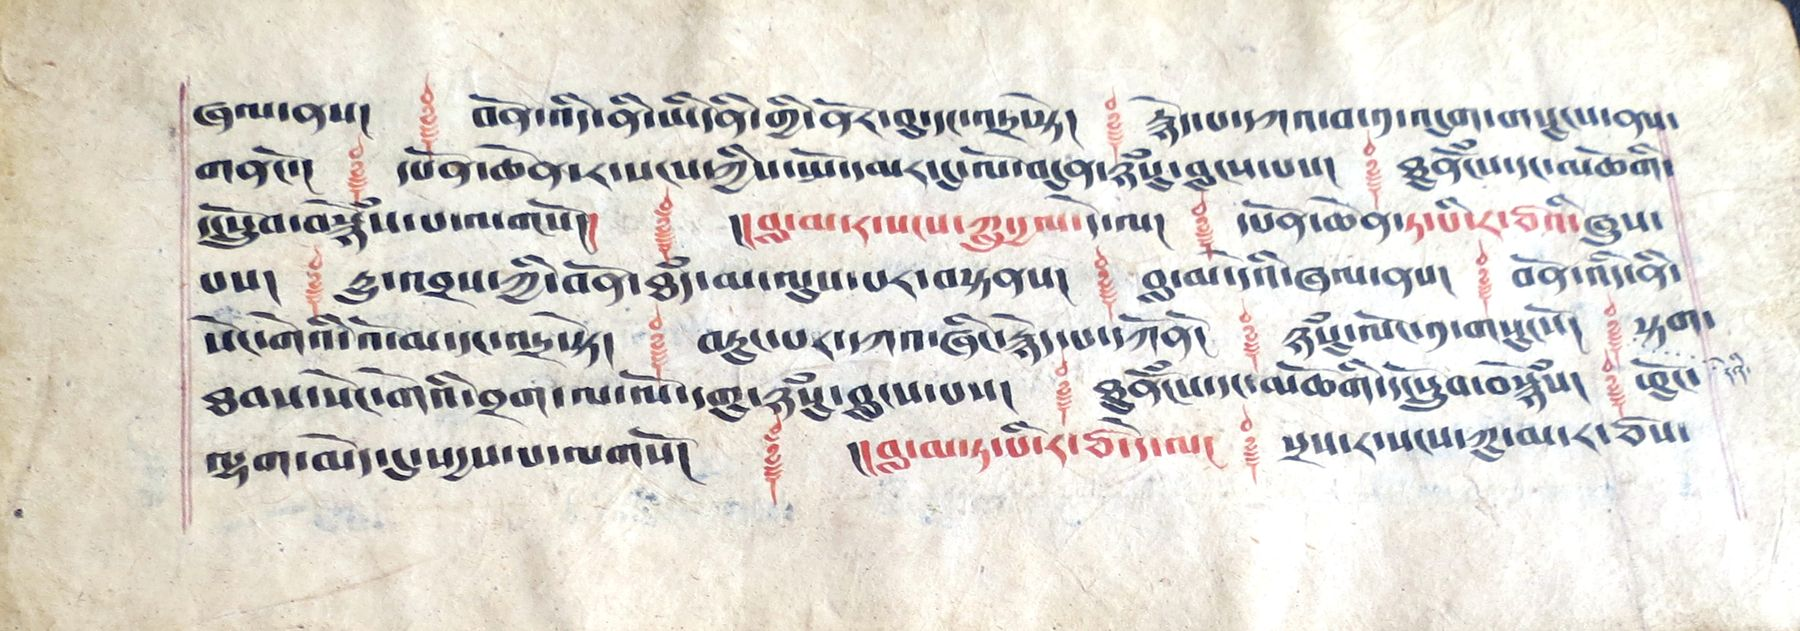ཞལ་ནས། འདི་ནི་ཡིད་བཞིན་གྱི་ནོར་བུ་དང་འདྲ་སྟེ། རྙེད་པར་དཀའ་བ་ཞིག་འདུག་གསུངས་ནས་
གནང་ངོ། ། དཔོན་ཆེན་ར་སངས་ཀྱིས་སྦོ་དམར་དུ་ལོ་བདུན་ཉམས་སུ་བླངས་པས། ཐུན་མོང་དང་མཆོག་གི་
དངོས་གྲུབ་བསྙེམས་པ་ལགས་སོ། ། བླ་མ་ར་སངས་ཀླུ་རྒྱལ་དེ་ལ། དཔོན་ཆེན་ཏ་པི་ར་ཙ་བས་ཞུས་
པས། རྒྱུ་འབྲས་ཀྱི་བོན་ཐམས་ཅད་མ་ལུས་པར་བསྟན་ནས། བླ་མ་དེའི་ཞལ་ནས། བོན་འདི་ནི་
སེང་གེའི་འོ་མ་དང་འདྲ་སྟེ། བཏུང་བ་དཀའ་ཞིང་རྙེད་པར་དཀོན་ནོ། ། ཉམས་སུ་ལོངས་ཤིག་གསུངས་སོ། ། དེས་སྟག་
ཐབས་སེང་གེའི་བྲག་ལ་ལོ་དགུ་ཉམས་སུ་བླངས་པས། ཐུན་མོང་དང་མཆོག་གི་དངོས་གྲུབ་བསྙེམས། ཕུང་པོ་
ལྷག་མེད་དུ་སངས་རྒྱས་པ་ལགས་སོ། ། བླ་མ་ཏ་པི་ར་ཙ་དེ་ལ་སྲས་ར་སངས་ཀུ་མ་ར་ཙས་